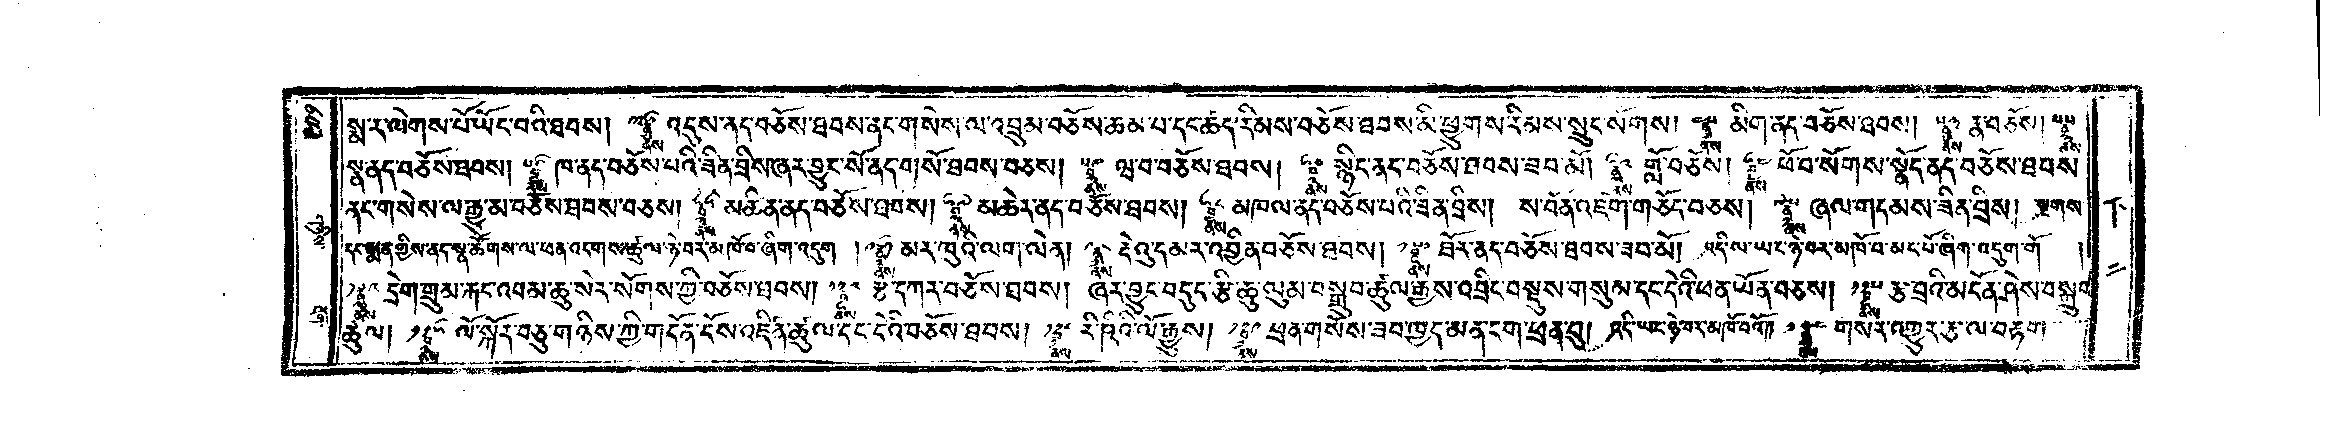སྨ་ར་ལེགས་པོ་ཡོང་བའི་ཐབས། ༣༦ན༤?ནས་འདུས་ནད་བཅོས་ཐབས་ནང་གསེས་ལ་འབྲུམ་བཅོས་ཆམ་པ་དང་ཚད་རིམས་བཅོས་ཐབས་མི་ཕྱུགས་རིམས་སྲུང་སོགས། ༤༥ན༤?ནས་མིག་ནད་བཅོས་ཐབས། ༥༣ན༥?ནས་རྣ་བཅོས། ༥༥ན༣ནས་
སྣ་ནད་བཅོས་ཐབས། ༥༦བ༤ནས་ཁ་ནད་བཅོས་པའི་ཟིན་བྲིས་ཞར་བྱུང་སོ་ནད་གསོ་ཐབས་བཅས། ༥༩བ༣ནས་ཝ་བ་བཅོས་ཐབས། ༦༠བ༢ནས་སྙིང་ནད་བཅོས་ཐབས་ཟབ་མོ། ༦༢ན༣?ནས་གློ་བཅོས། ༦༤བ༤ནས་ཕོ་བ་སོགས་སྣོད་ནད་བཅོས་ཐབས་
ནང་གསེས་ལ་རྒྱུ་མ་བཅོས་ཐབས་བཅས། ༦༦བ༣ནས་མཆིན་ནད་བཅོས་ཐབས། ༦༧བ༣ནས་མཆེར་ནད་བཅོས་ཐབས། ༦༨བ༤ནས་མཁལ་ནད་བཅོས་པའི་ཟིན་བྲིས། ས་བོན་འཛག་གཅོང་བཅས། ༧༥ན༡ནས་ཞལ་གདམས་ཟིན་བྲིས། སྔགས་
དང་སྨན་གྱིས་ནད་སྣ་ཚོགས་ལ་ཕན་འདགས་ཚུལ་ཉེ་བར་མཁོ་བ་ཞིག་འདུག །༩༦༡?ན༢ནས་མར་ཁུའི་ལག་ལེན། ༩༨ན༡ནས་རྡེའུ་དམར་འབྱིན་བཅོས་ཐབས། ༡༥༡བ༦ནས་ཐོར་ནད་བཅོས་ཐབས་ཟབ་མོ། འདི་ལ་ཡང་ཉེ་བར་མཁོ་བ་མང་པོ་ཞིག་འདུག་གོ །
༡༠༩ན༣ནས་དྲེག་གྲུམ་རྐང་འབམ་ཆུ་སེར་སོགས་ཀྱི་བཅོས་ཐབས། ༡༡༢ན༦ནས་རྩ་དཀར་བཅོས་ཐབས། ཞར་བྱུང་བདུད་རྩི་ཆུ་ལུམ་བསྒྲུབ་ཚུལ་རྒྱས་འབྲིང་བསྡུས་གསུམ་དང་དེའི་ཕན་ཡོན་བཅས། ༡༡༥བ༦ནས་རྩ་བྲའི་མངོན་ཤེས་བསྒྲུབ་
ཚུལ། ༡༡༦བ༢ནས་ལོ་སྐོར་བཅུ་གཉིས་ཀྱི་གདོན་ངོས་འཛིན་ཚུལ་དང་དེའི་བཅོས་ཐབས། ༡༡༨བ༡ནས་རི་ཥིའི་ལོ་རྒྱུས། ༡༡༩བ༡ནས་ཕྲན་གསོས་ཟབ་ཁྱད་མན་ངག་ཕྲན་བུ། འདི་ཡང་ཉེ་བར་མཁོ་བའོ།།  ༡༢༤ན༣?ནས་གསར་འགྱུར་རྩ་ལ་བརྟག་